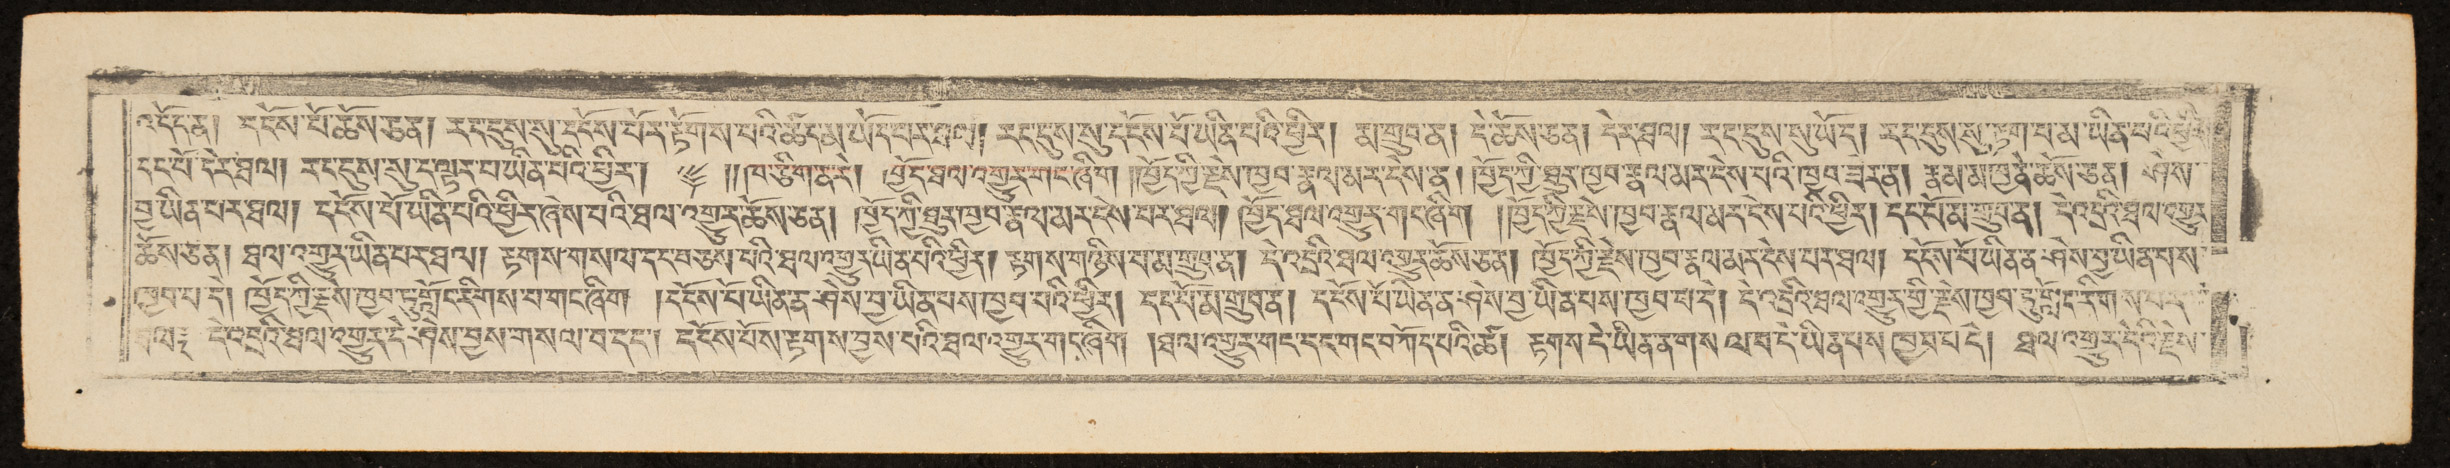འདོད་ན། དངོས་པོ་ཆོས་ཅན། རང་དུས་སུ་དངོས་པོར་རྟོགས་པའི་ཚད་མ་ཡོད་པར་ཐལ། རང་དུས་སུ་དངོས་པོ་ཡིན་པའི་ཕྱིར། མ་གྲུབ་ན། དེ་ཆོས་ཅན། དེར་ཐལ། རང་དུས་སུ་ཡོད། རང་དུས་སུ་རྟག་པ་མ་ཡིན་པའི་ཕྱིར།
དང་པོ་དེར་ཐལ། རང་དུས་སུ་ད་ལྟར་བ་ཡིན་པའི་ཕྱིར། །ཁ་ཅིག་ན་རེ། ཁྱོད་ཐལ་འགྱུར་གང་ཞིག །ཁྱོད་ཀྱི་རྗེས་ཁྱབ་རྣལ་མར་ངེས་ན། ཁྱོད་ཀྱི་ཐུར་ཁྱབ་རྣལ་མར་ངེས་པའི་ཁྱབ་ཟེར་ན། རྣམ་མཁྱེན་ཆོས་ཅན། ཤེས་
བྱ་ཡིན་པར་ཐལ། དངོས་པོ་ཡིན་པའི་ཕྱིར་ཞེས་པའི་ཐལ་འགྱུར་ཆོས་ཅན། ཁྱོད་ཀྱི་ཐུར་ཁྱབ་རྣལ་མར་ངེས་པར་ཐལ། ཁྱོད་ཐལ་འགྱུར་གང་ཞིག། ཁྱོད་ཀྱི་རྗེས་ཁྱབ་རྣལ་མར་ངེས་པའི་ཕྱིར། དང་པོ་མ་གྲུབ་ན། དེ་འདྲའི་ཐལ་འགྱུར་
ཆོས་ཅན། ཐལ་འགྱུར་ཡིན་པར་ཐལ། རྟགས་གསལ་དང་བཅས་པའི་ཐལ་འགྱུར་ཡིན་པའི་ཕྱིར། རྟགས་གཉིས་པ་མ་གྲུབ་ན། དེ་འདྲའི་ཐལ་འགྱུར་ཆོས་ཅན། ཁྱོད་ཀྱི་རྗེས་ཁྱབ་རྣལ་མར་ངེས་པར་ཐལ། དངོས་པོ་ཡིན་ན་ཤེས་བྱ་ཡིན་པས་
ཁྱབ་པ་དེ། ཁྱོད་ཀྱི་རྗེས་ཁྱབ་ཏུ་གློང་རིགས་པ་གང་ཞིག། དངོས་པོ་ཡིན་ན་ཤེས་བྱ་ཡིན་པས་ཁྱབ་པའི་ཕྱིར། དང་པོ་མ་གྲུབ་ན། དངོས་པོ་ཡིན་ན་ཤེས་བྱ་ཡིན་པས་ཁྱབ་པ་དེ། དེ་འདྲའི་ཐལ་འགྱུར་གྱི་རྗེས་ཁྱབ་ཏུ་གློང་རིགས་པར་
ཐལ། དེ་འདྲའི་ཐལ་འགྱུར་དེ་ཤེས་བྱས་གསལ་བ་དང་། དངོས་པོས་རྟོགས་བྱས་པའི་ཐལ་འགྱུར་གང་ཞིག། ཐལ་འགྱུར་གང་དང་གང་བཀོད་པའི་ཚེ། རྟགས་དེ་ཡིན་ན་གསལ་བ་དེ་ཡིན་པས་ཁྱབ་པ་དེ། ཐལ་འགྱུར་དེའི་རྗེས་